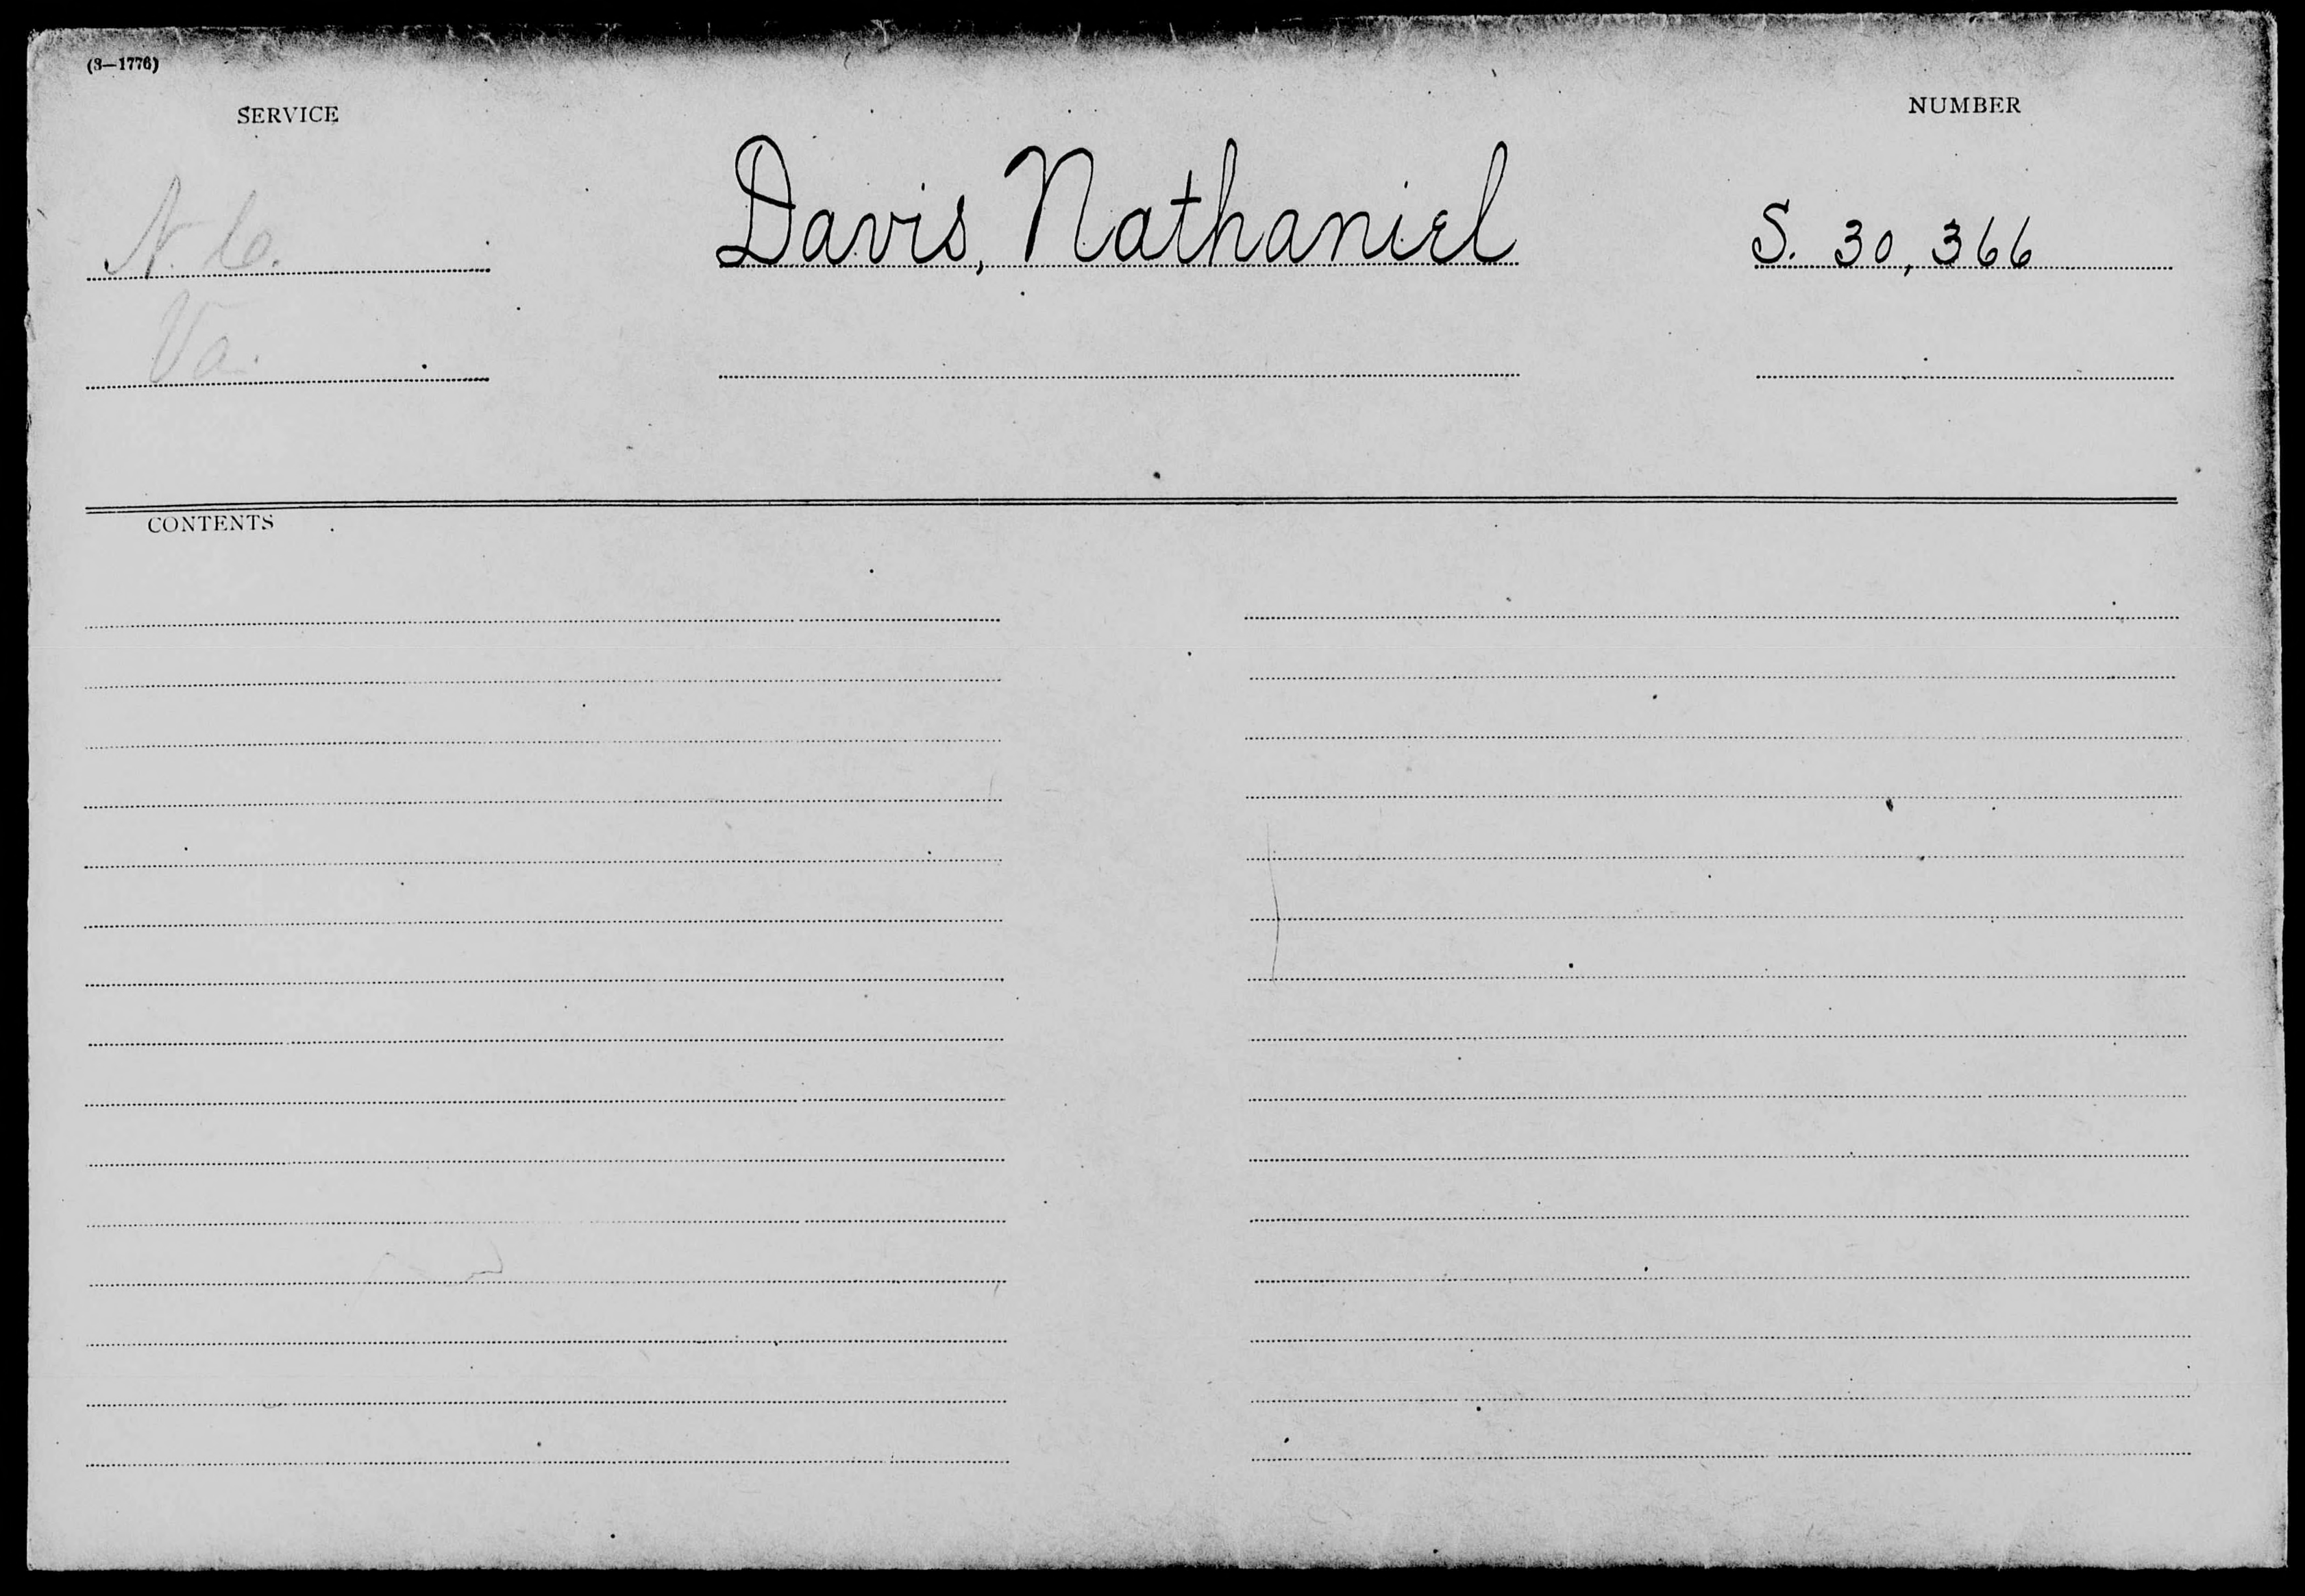SERVICE NUMBER
N.C. Davis, Nathaniel S. 30,366
Va.
CONTENTS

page: 1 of 18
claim: survivor's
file: S. 30,366, Nathaniel Davis, N.C. Va.